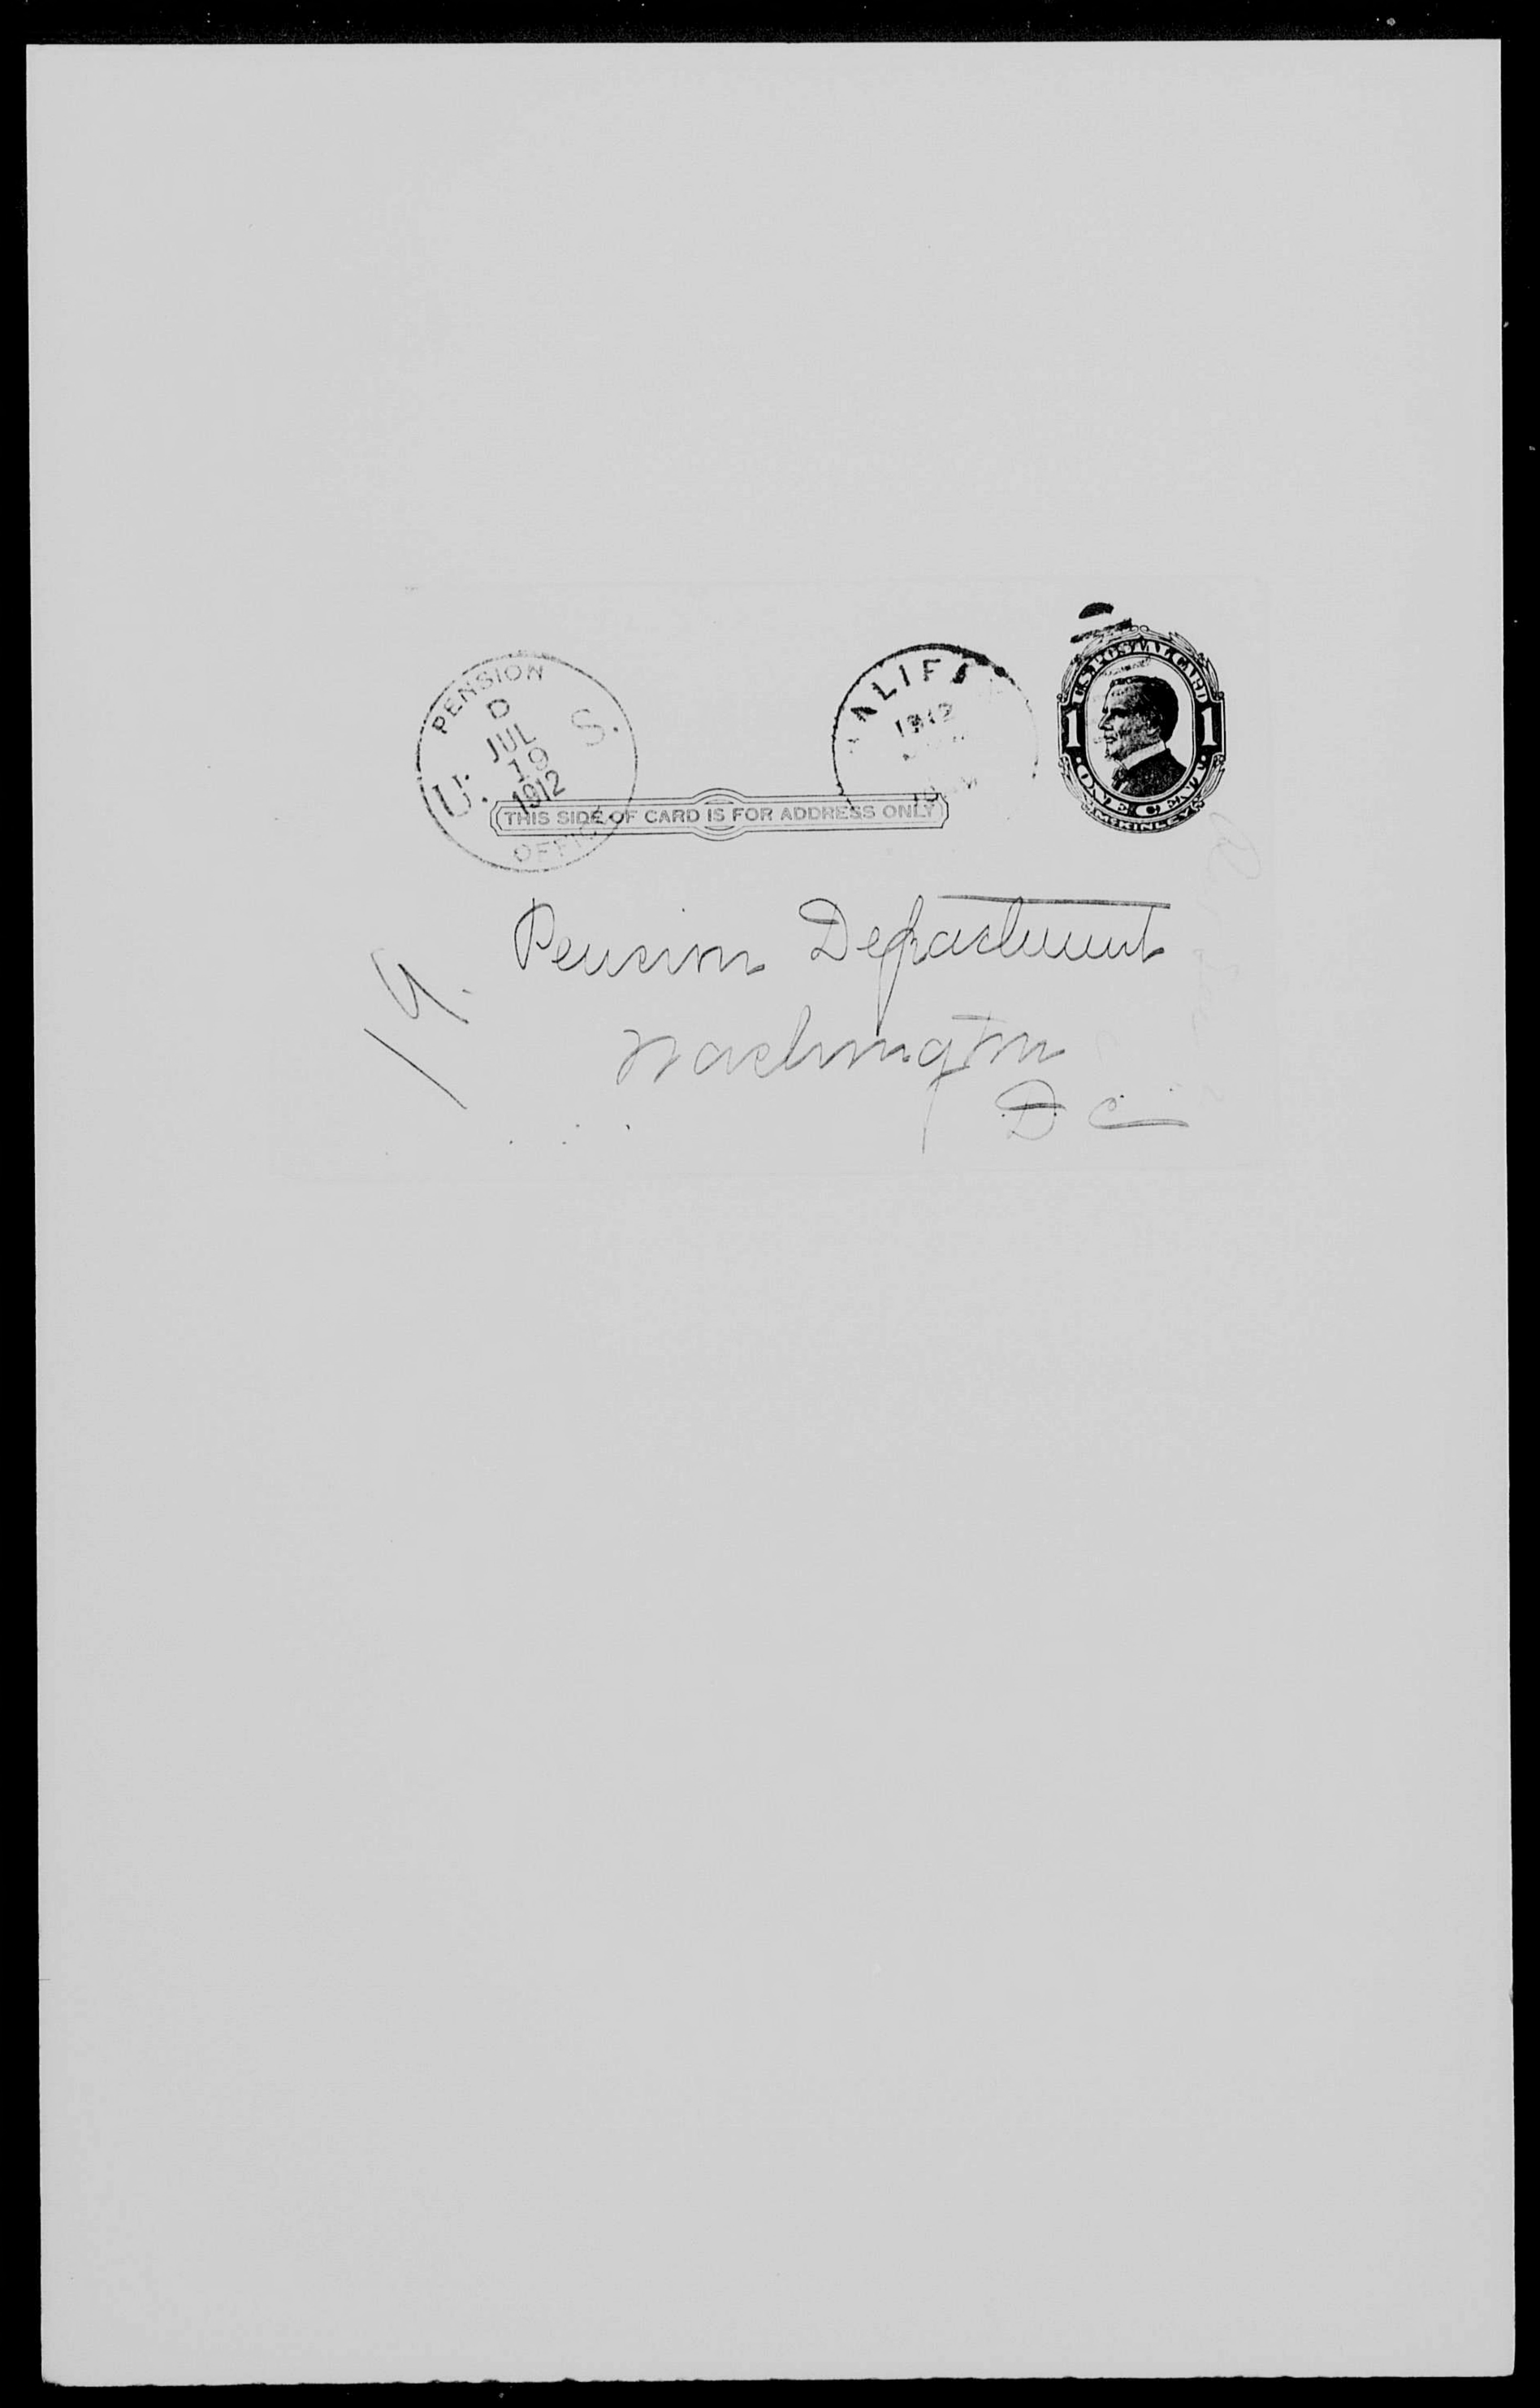[There are two ink stamps and one postage stamp on the top of the page.]

THIS SIDE OF CARD IS FOR ADDRESS ONLY

Pension Department
Washington
D.C.
19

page: 12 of 18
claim: survivor's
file: S. 6578, Thomas Bailey, Va.